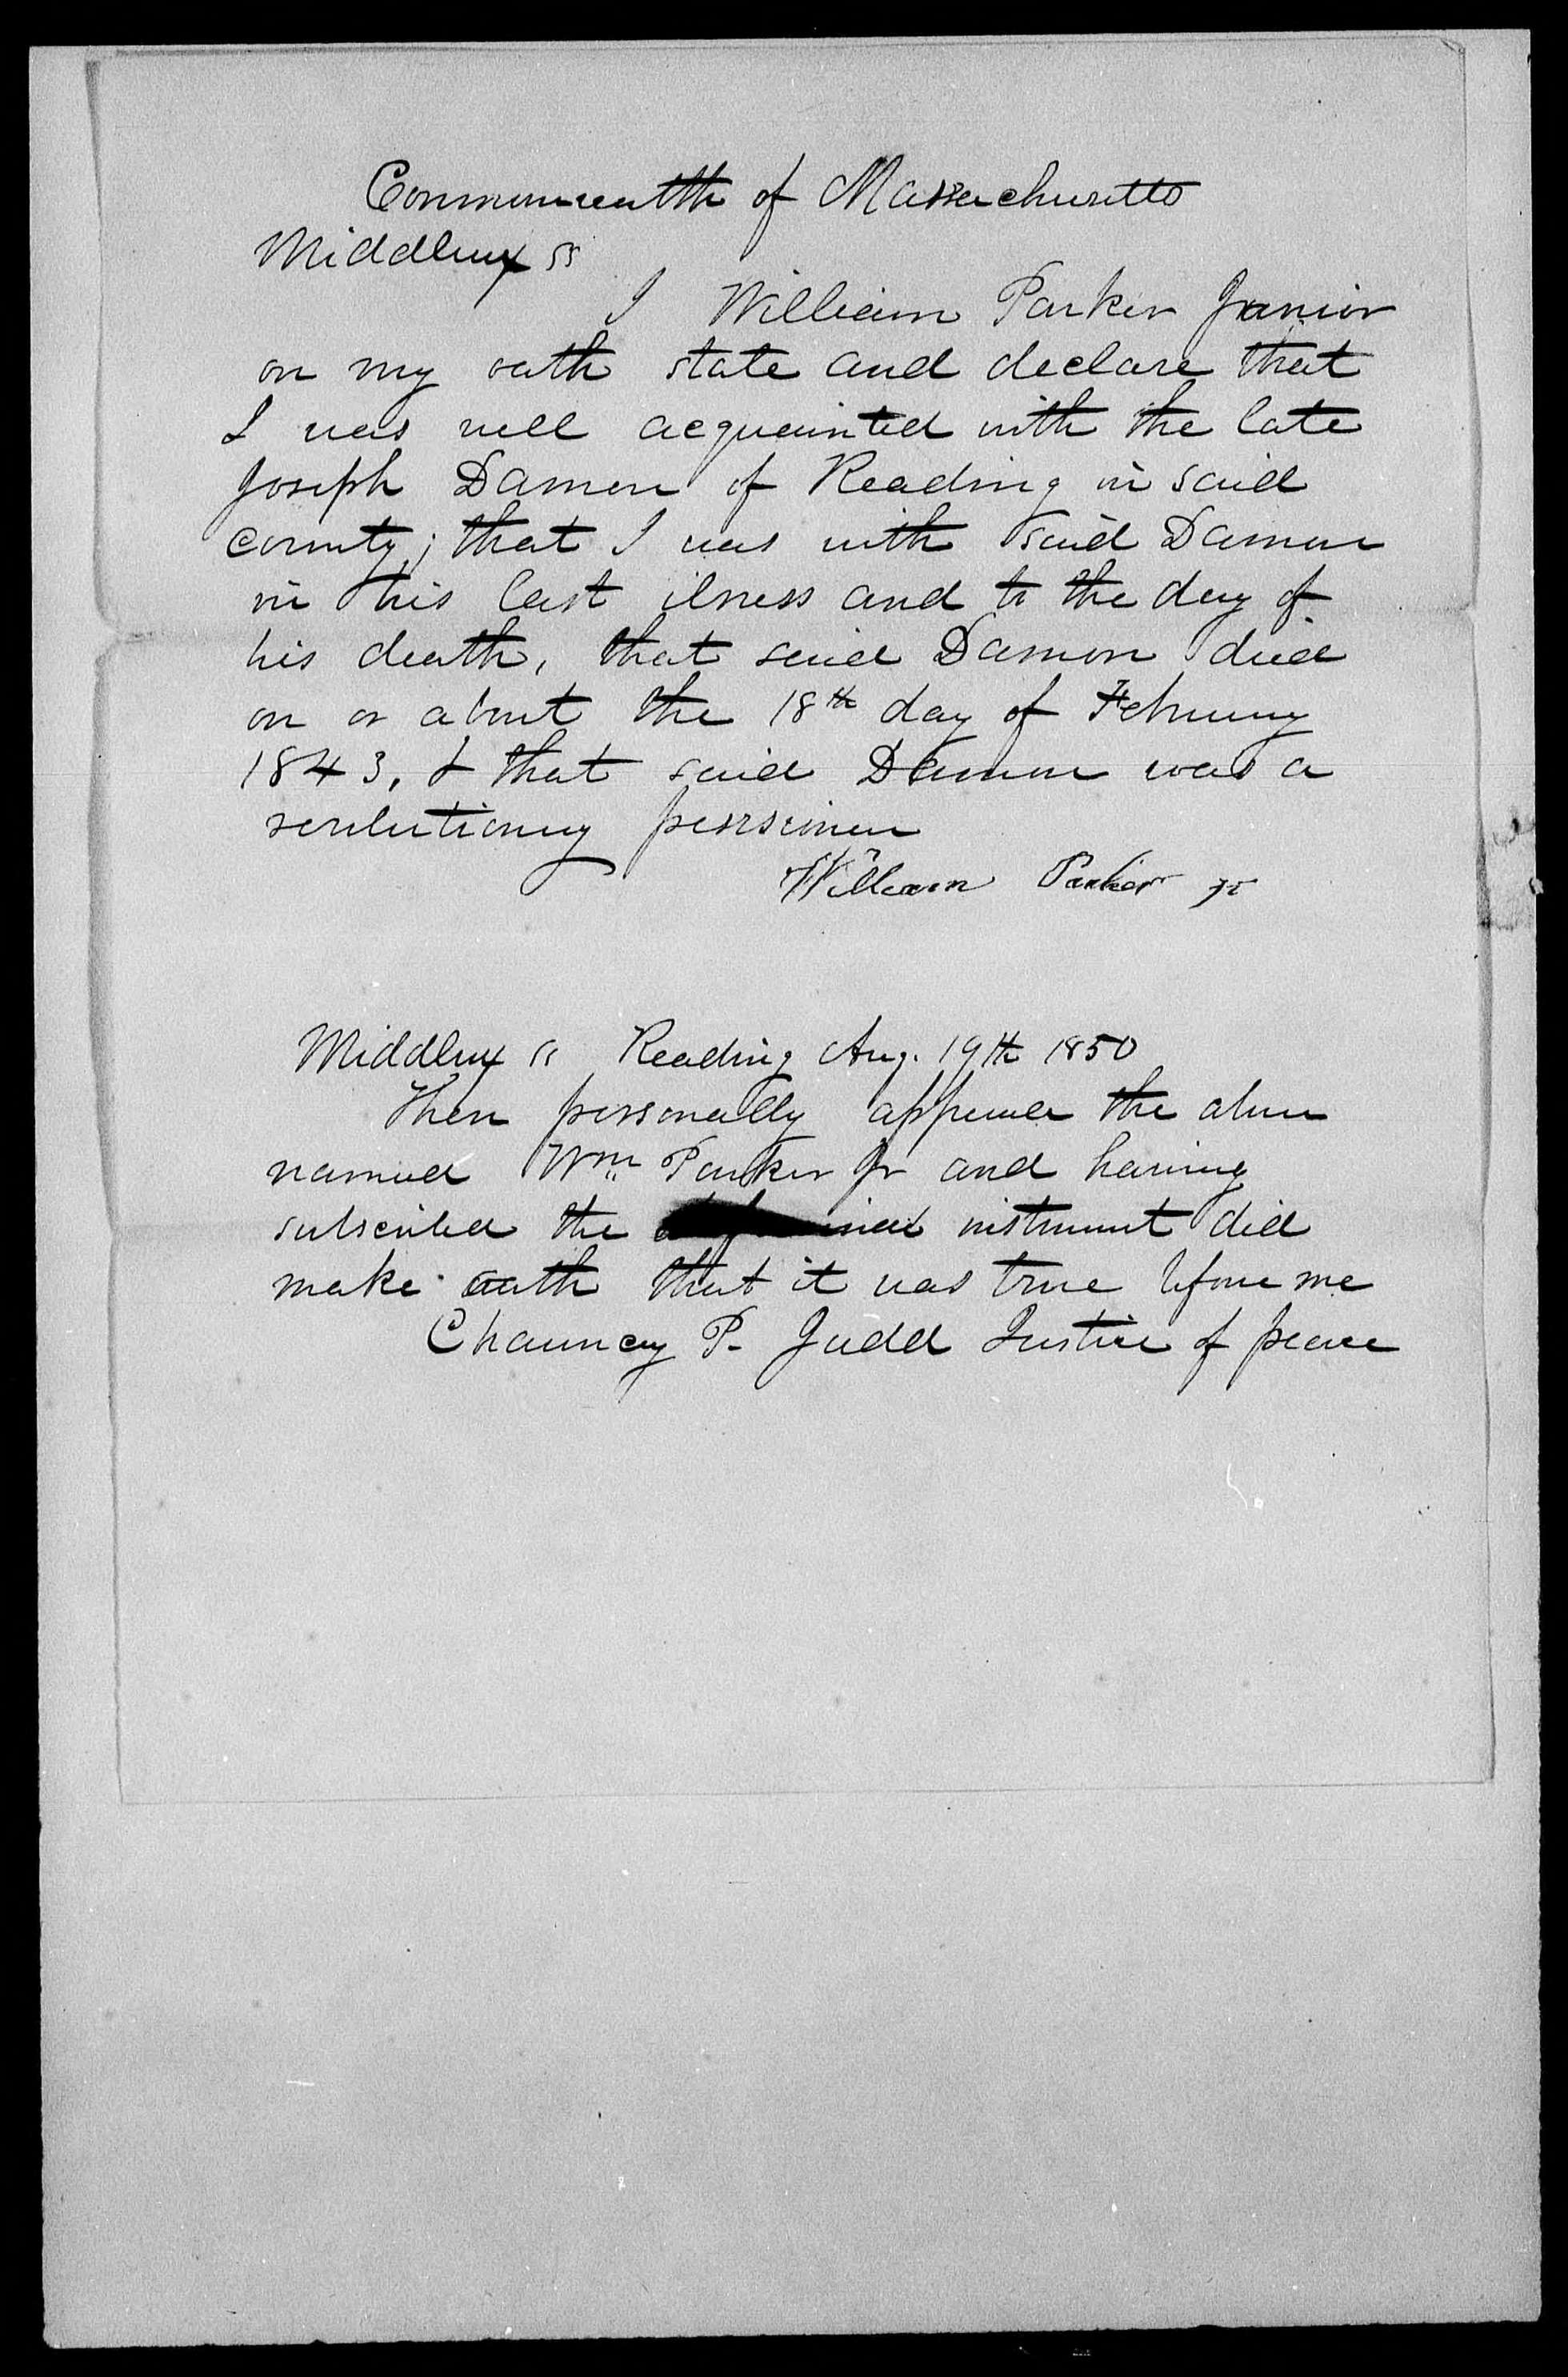Commonwealth of Massachusetts Middlesex ss.
I William Parker Junior on my oath state and declare that I was well acquainted with the late Joseph Damon of Reading in said county; that I was with said Damon in his last ilness and to the day of his death, that said Damon died on or about the 18th day of February 1843. & that said Damon was a revolutionary pensioner.
William Parker Jr.

Middlesex ss. Reading Aug 19th 1850
Then personally appeared the above named Wm Parker Jr and having subscribed the instrument did make oath that it was true before me
Chauncy P. Judd Justice of Peace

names: Damon, Damon, Chauncey P Judd, Damon, Joseph Damon, Wm Parker, William Parker, William Parker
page: 27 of 28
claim: survivor's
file: S. 17376, Joseph Damon, Continental Mass.